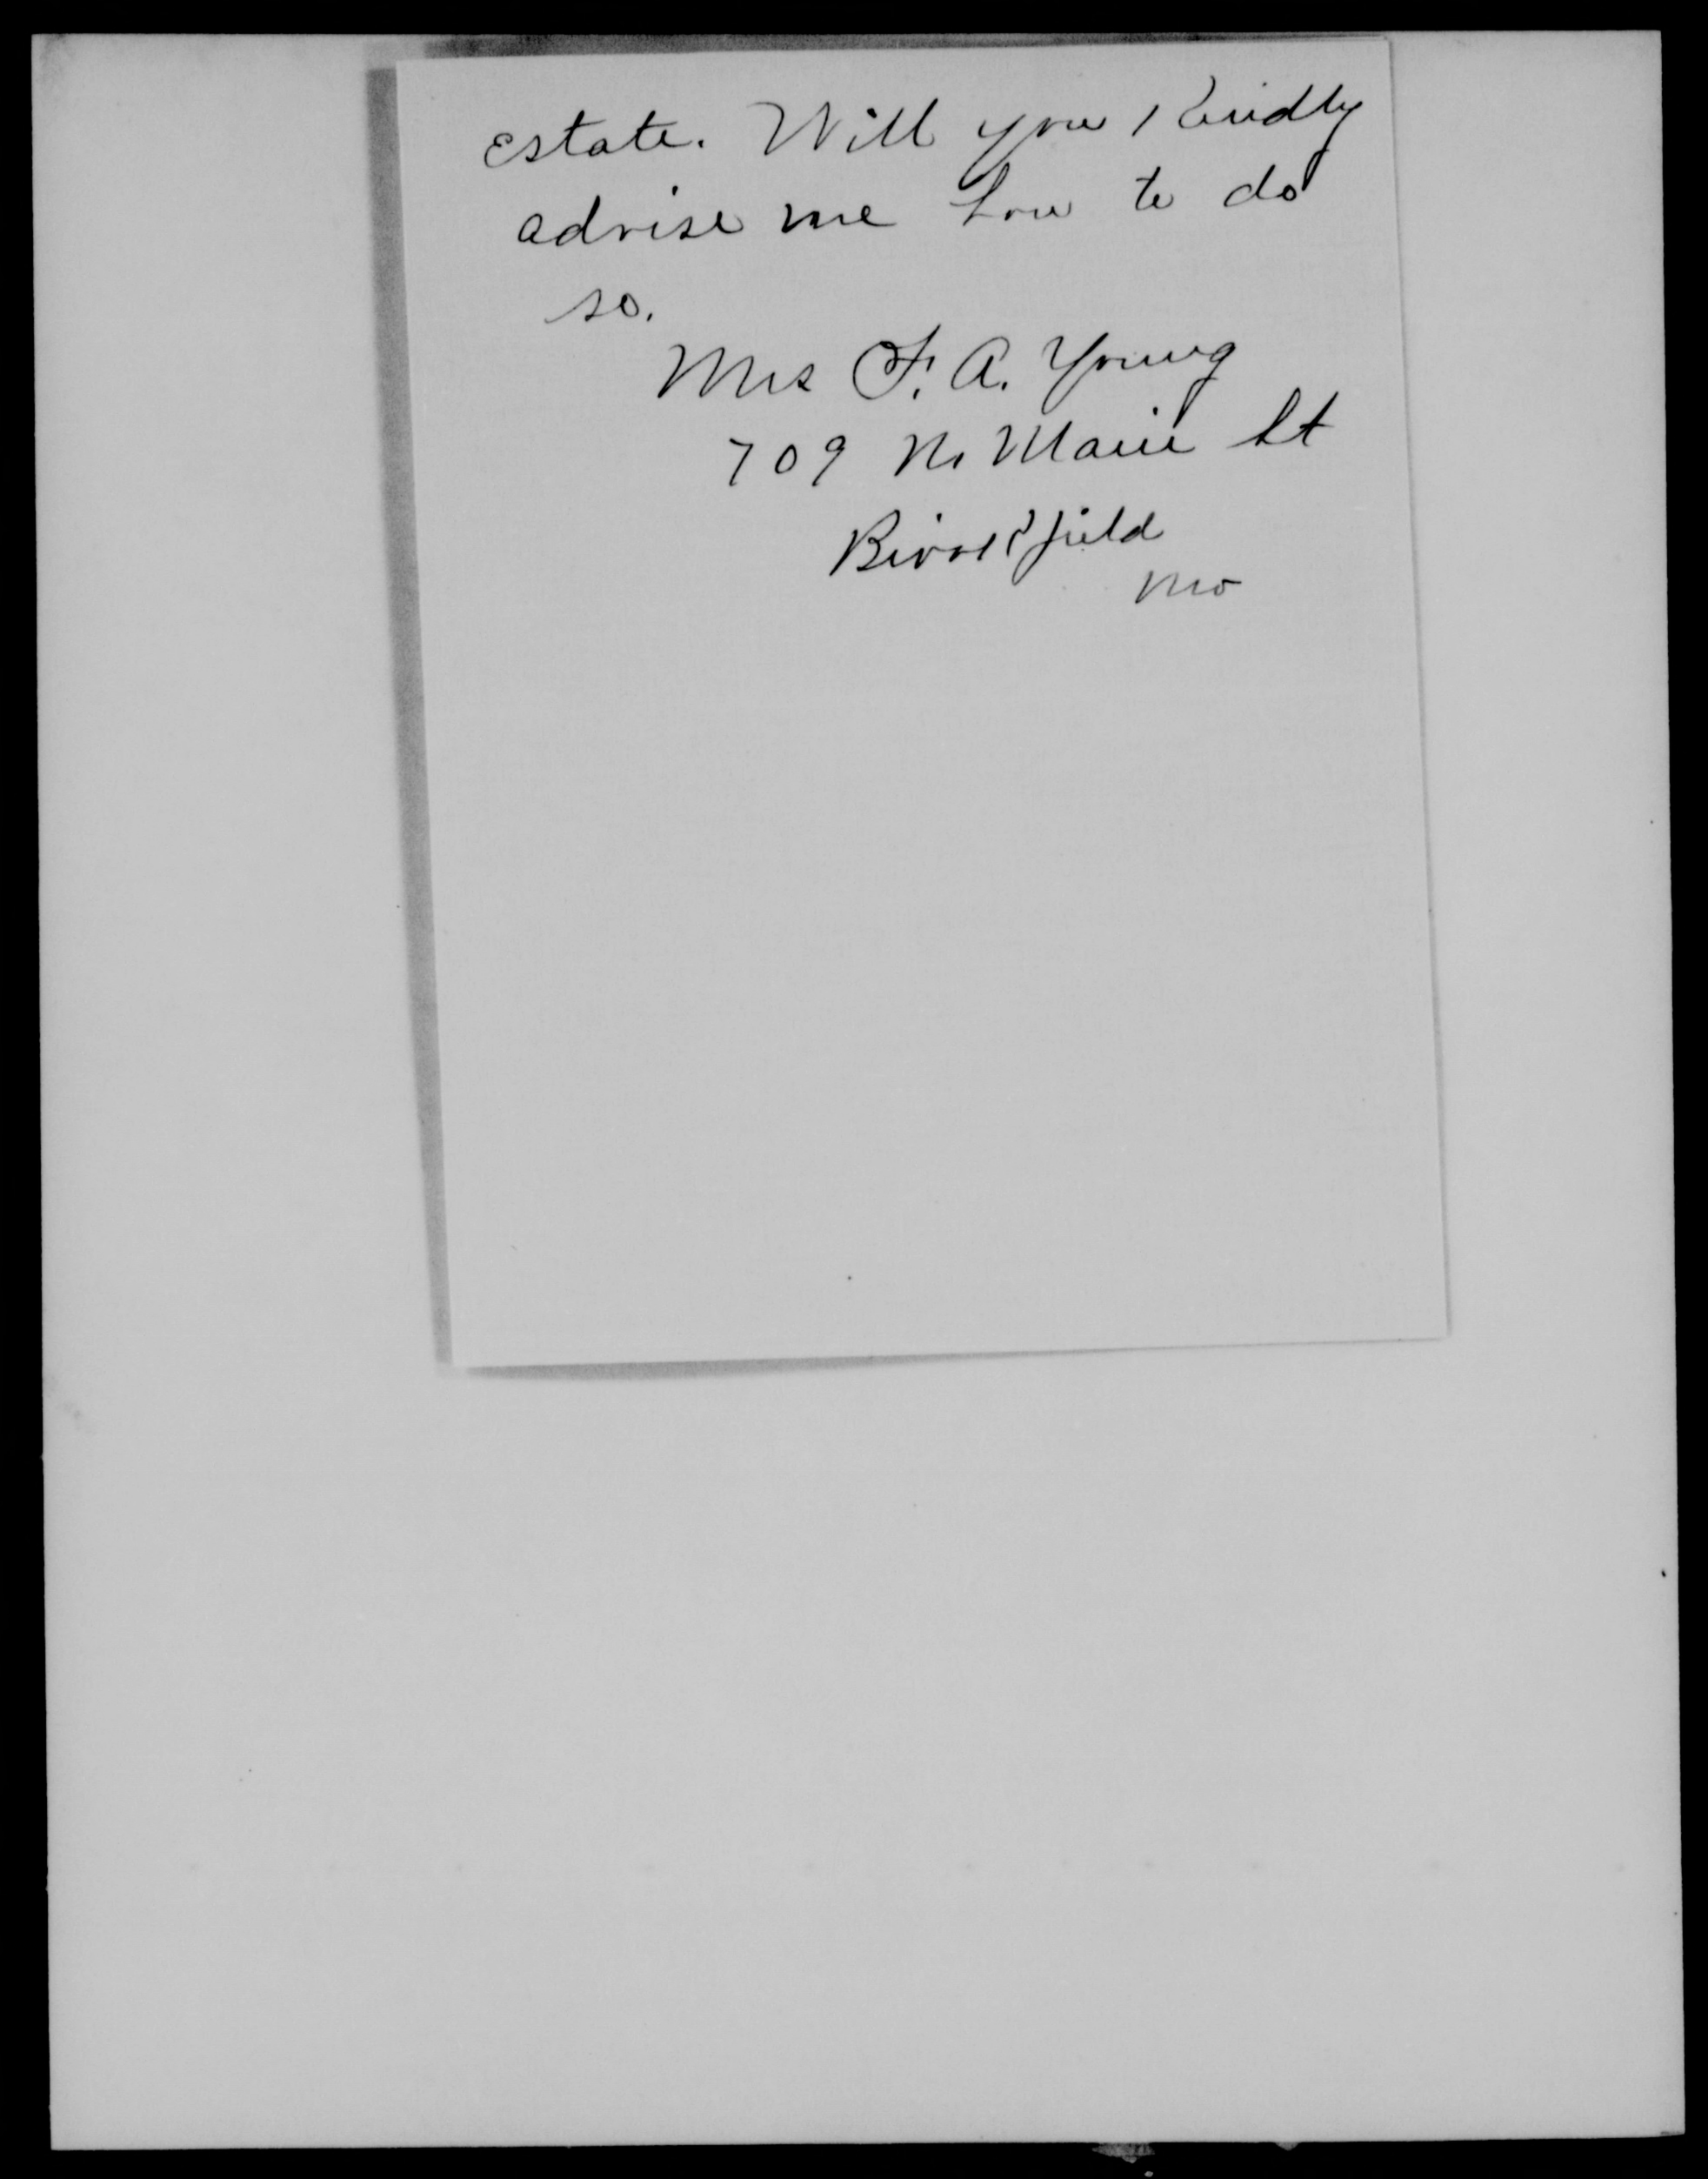estate. Will you kindly advise me how to do so. Mrs. F.A. Young
709 N Man at Brookfield No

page: 21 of 25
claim: survivor's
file: S. 6258, for Isaac Tobin, New Jersey